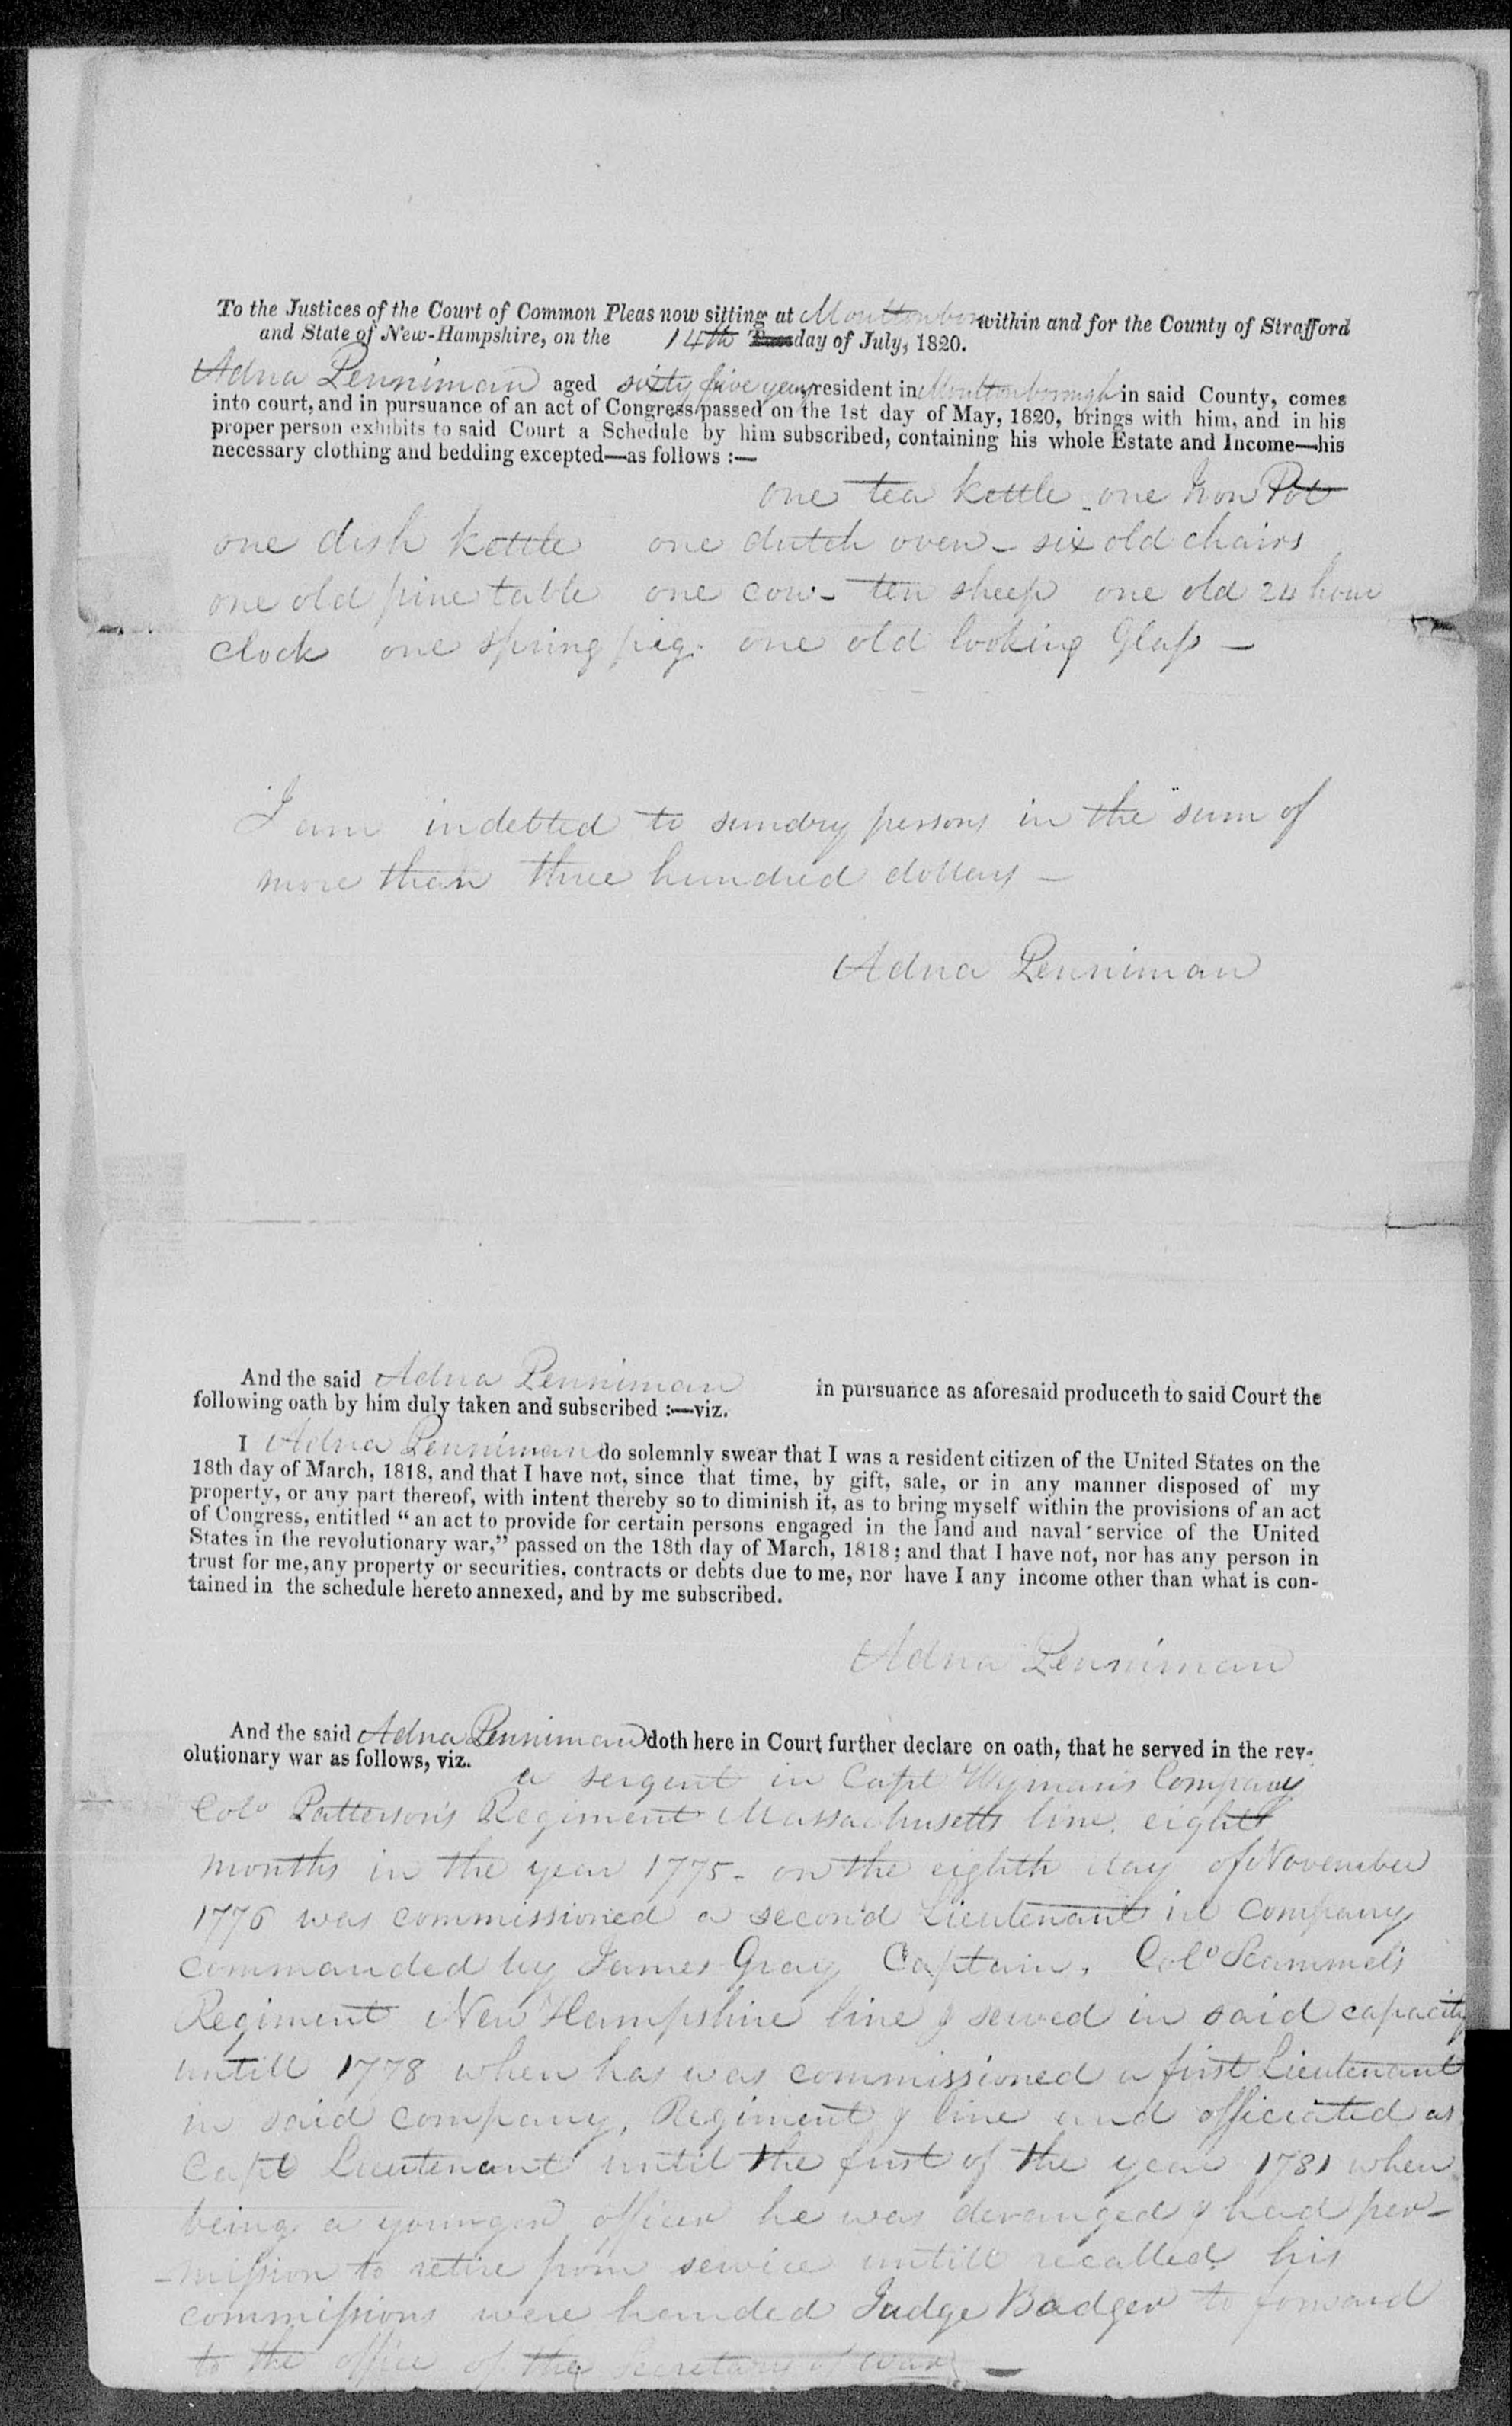To the Justices of the Court of Common Pleas now sitting at Moultonborough within and for the County of Strafford
and State of New-Hampshire, on the 14th day of July, 1820.
Adna Penniman aged sixty-five years resident in Moultonborough in said County, comes
into court, and in pursuance of an act of Congress passed on the 1st day of May, 1820, brings with him, and in his
proper person exhibits to said Court a Schedule by him subscribed, containing his whole Estate and Income -- his
necessary clothing and bedding excepted -- as follows --
one tea kettle, one Iron Pot, one dish kettle, one dutch oven -- six old chairs
one old pine table, one cow -- ten sheep, one old 24 hour
clock, one spring pig, one old looking glass --

I am indebted to sundry persons in the sum of 
more than three hundred dollars --

Adna Penniman

And the said Adna Penniman in pursuance as aforesaid produceth to said Court the
following oath by him duly taken and subscribed:--viz.
I Adna Penniman do solemnly swear that I was a resident of the United States on the
18th day of March, 1818, and that I have not, since that time, by gift, sale, or in any manner disposed of my
property, or any part thereof, with intent thereby so to diminish it, as to bring myself within the provisions of an act
of Congress, entitled "an act to provide for certain persons engaged in the land and naval service of the United States in the revolutionary war," passed on the 18th day of March, 1818; and that I have not, nor has any person in
trust for me, any property or securities, contracts or debts due to me, nor have I any income other than what is contrained
in the schedule hereto annexed, and by me subscribed.
Adna Penniman

And the said Adna Penniman doth here in Court further declare that he served in the revolutionary
war as follows, viz.
a sergent in Cap't Wyman's Company, Col. Patterson's Regiment, Massachusetts line eight 
months in the year 1775 - on the eighth day of November 1776 was commissioned a second Lieutenant in Company
commanded by James Gray Captain, Col Scammel's Regiment New Hampshire line & served in said capacity
until 1778 when he was commissioned a first Lieutenant
in said Company, Regiment & line and officiated as 
Capt Lieutenant until the first of the year 1781 when
being a younger officer he was [illegible] & had 
permission to retire from service untill recalled his 
commissions were handed Judge Badger to forward
to the office of the Secretary of War.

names: James Gray; Adna Penniman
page: 7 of 13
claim: survivor's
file: S. 45065, for Adna Penniman, Massachusetts